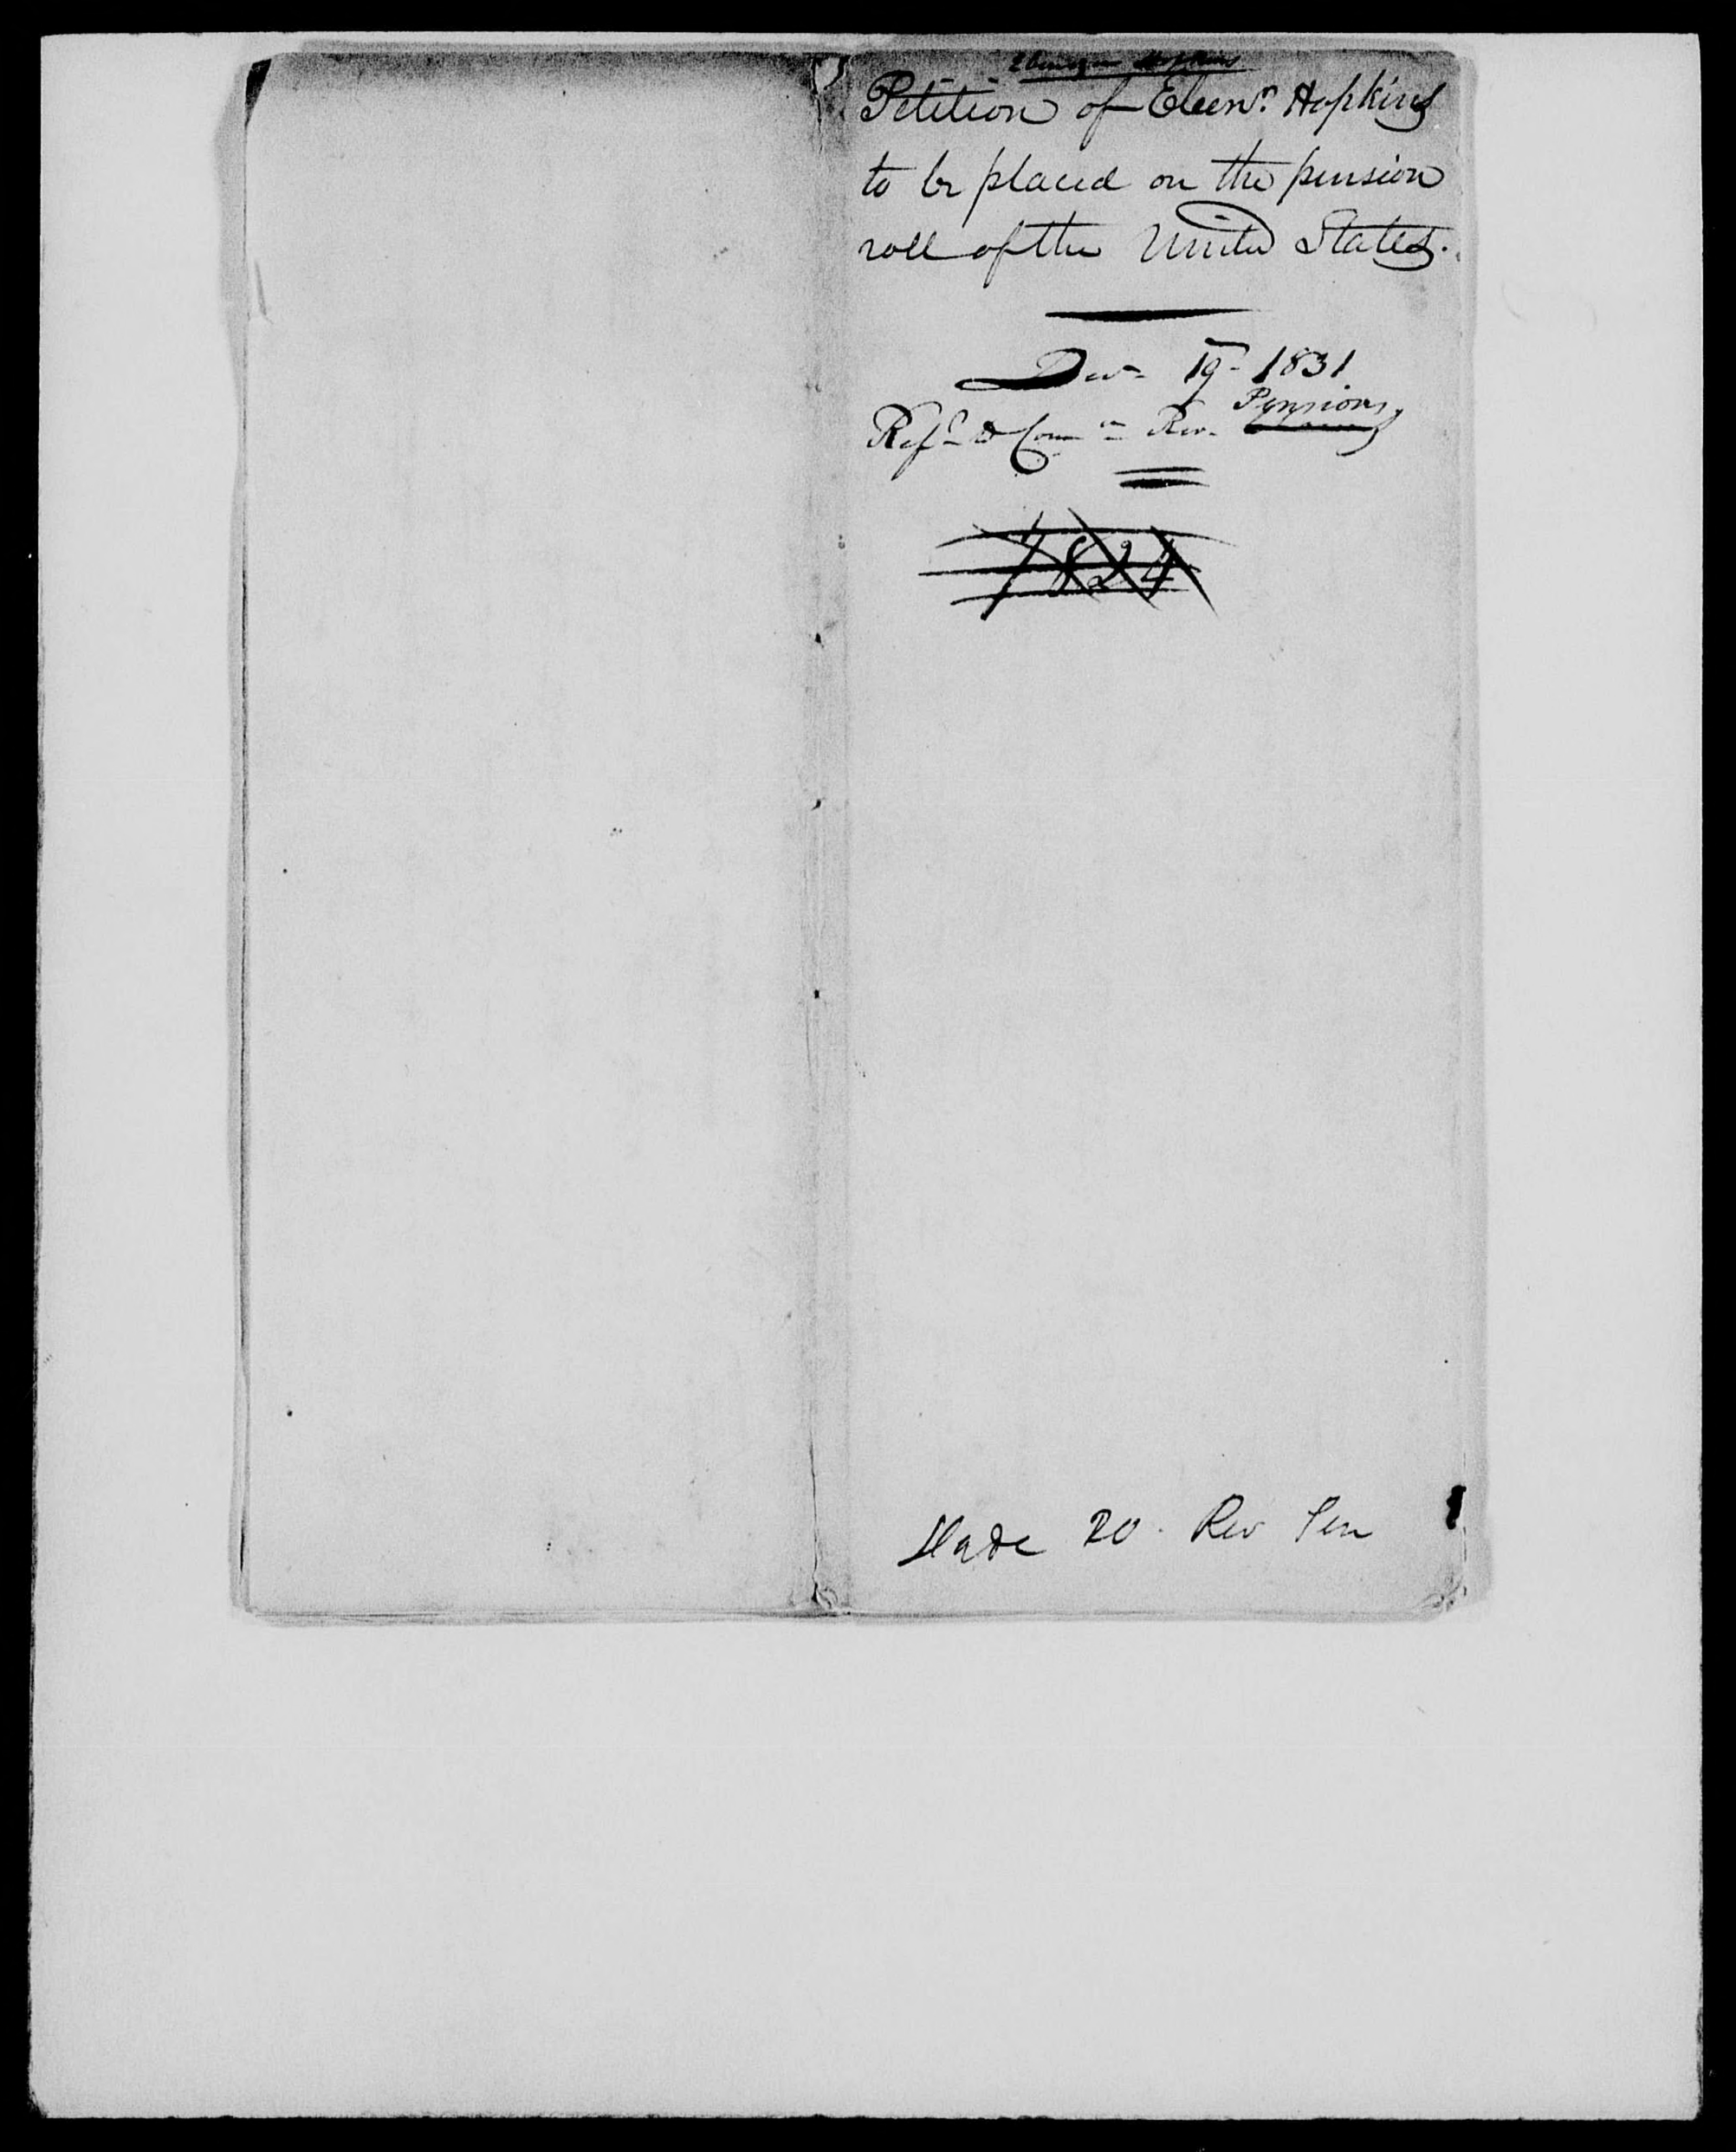Ebenezer Hopkins
Petition of Eleenr Hopkins
to be placed on the pension
roll of the United States.
-
Dec 19 1831
Refrd from Rev Pensions
Dade RO Rev Sen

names: Ebenr Hopkins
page: 124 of 144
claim: rejected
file: R. 5208, Dennis Hopkins, N.C.